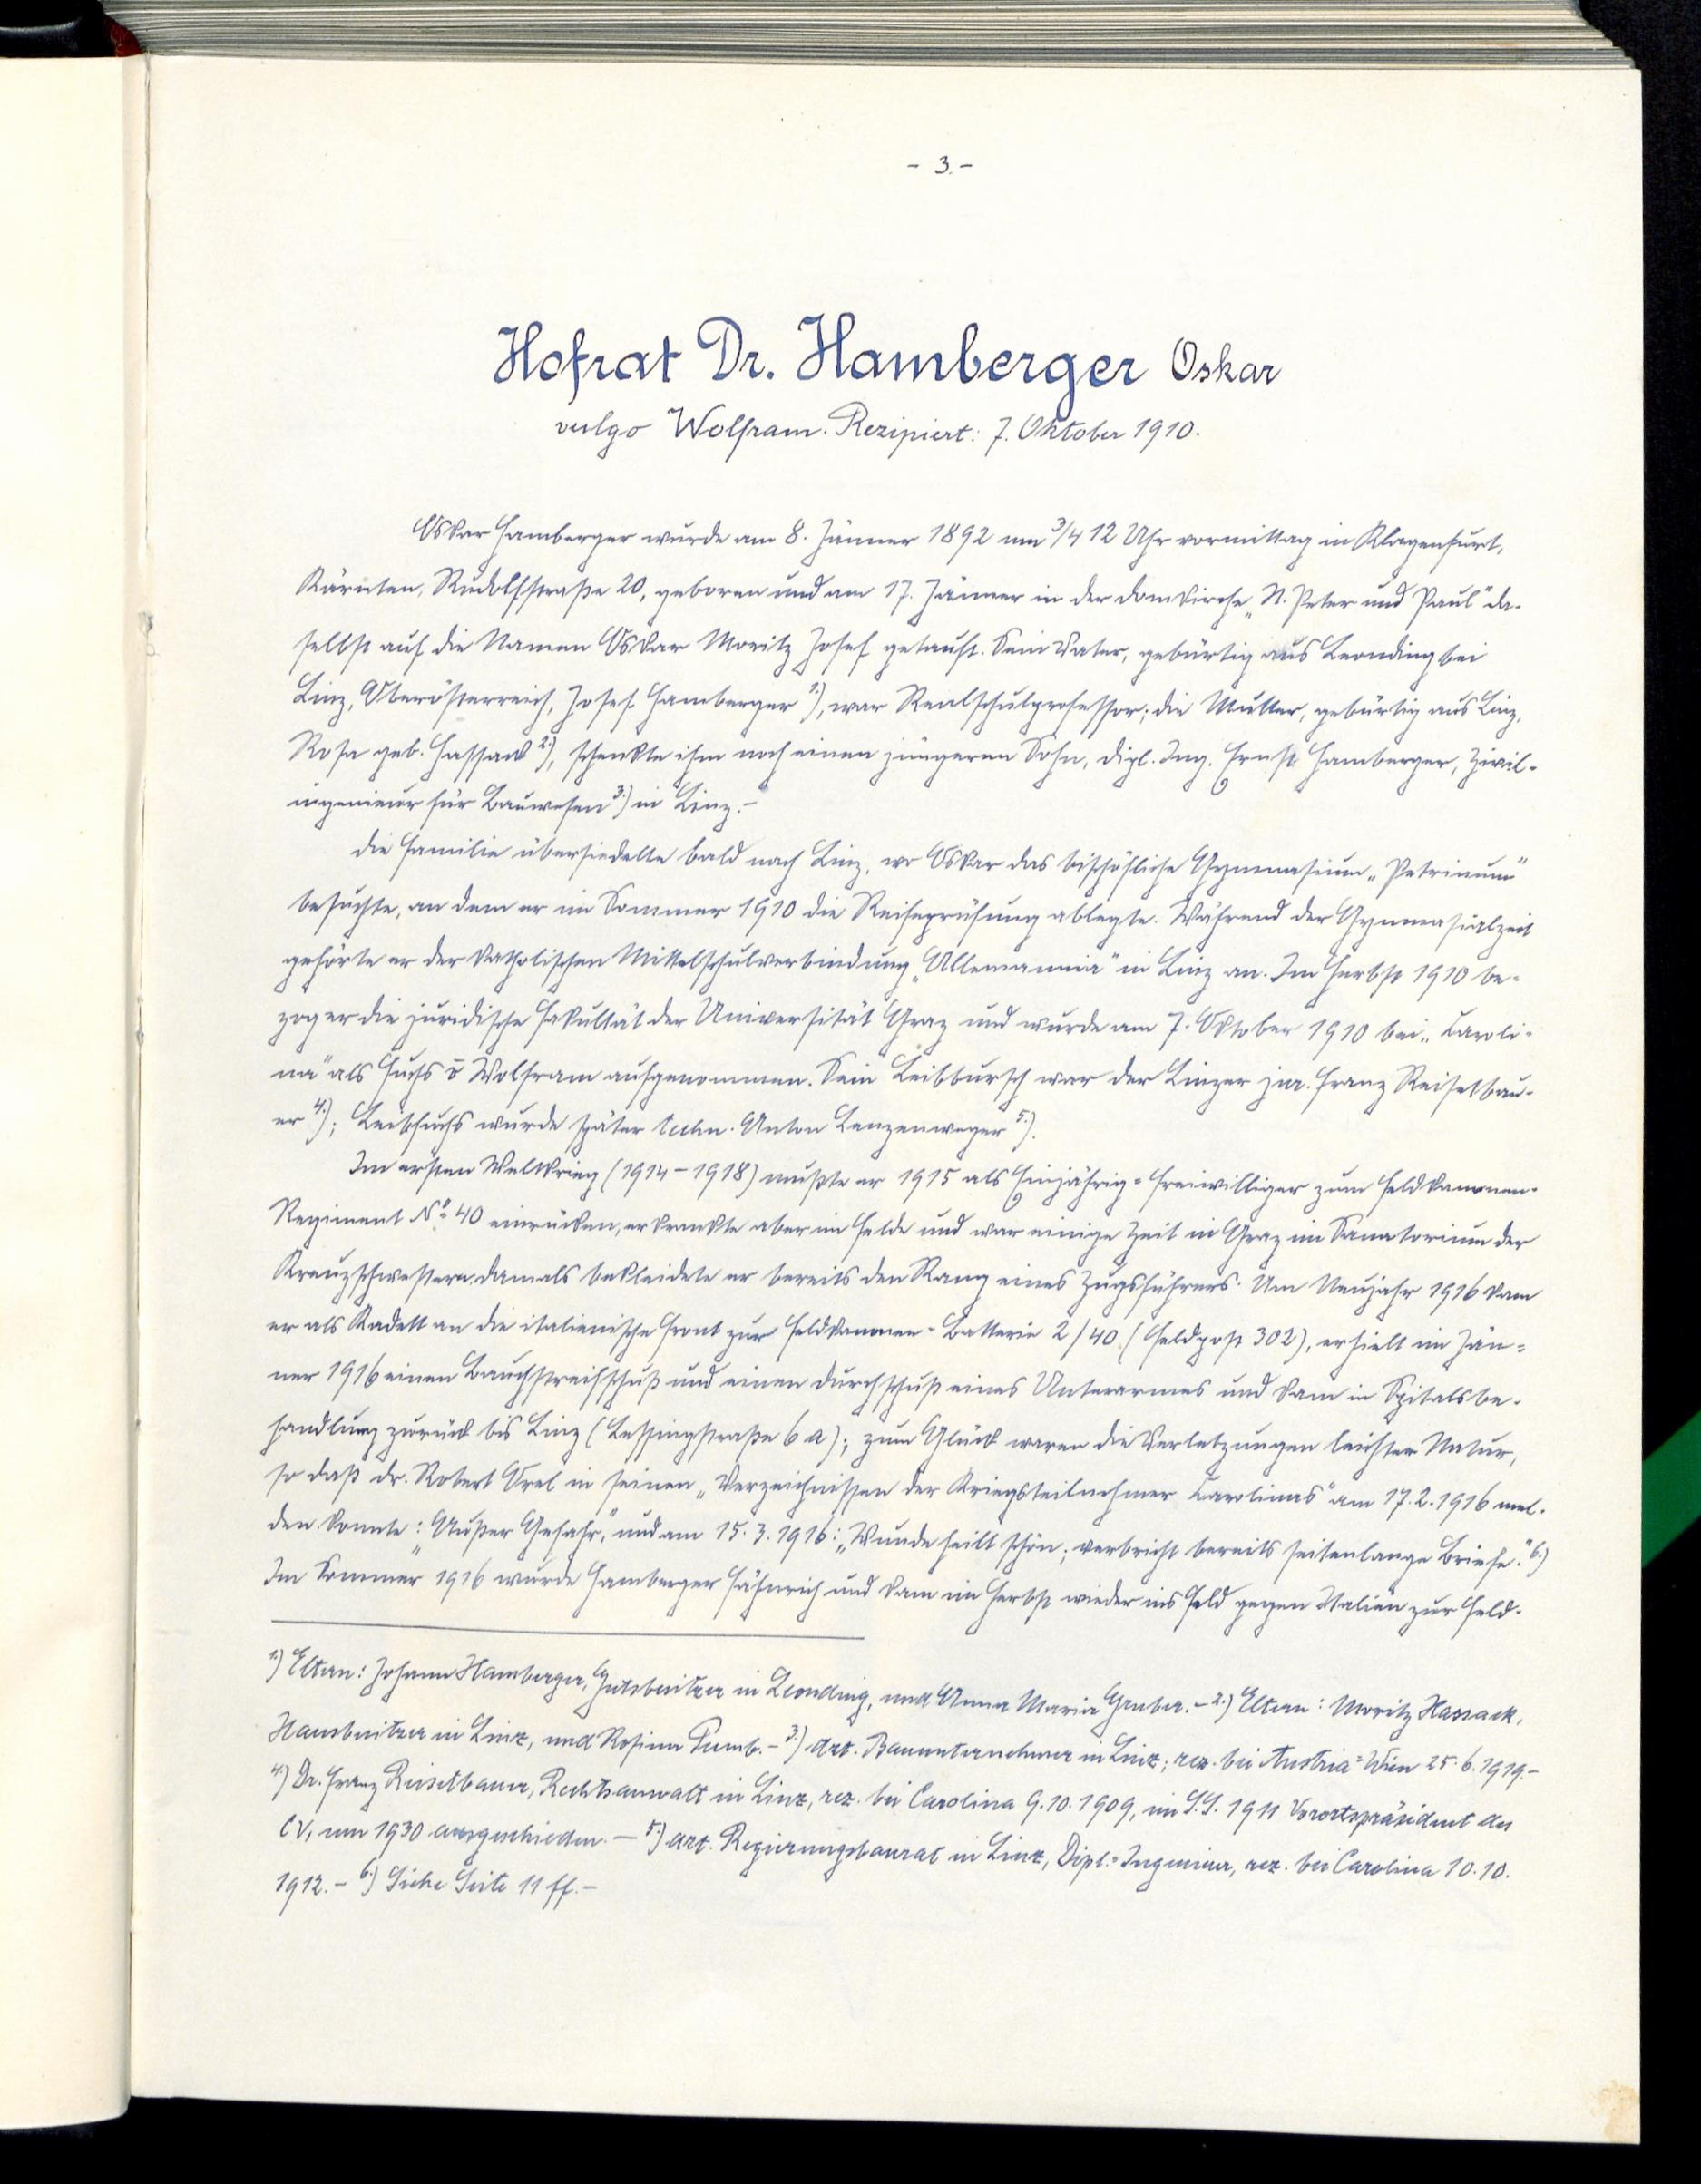3
Hofrat Dr. Hamberger Oskar
vulgo Wolfram. Rezipiert: 7. Oktober 1910.
Oskar Hamberger wurde am 8. Jänner 1892 um ¾ 12 Uhr Vormittag in Klagenfurt,
Kärnten, Rudolfstraße 20, geboren und am 17. Jänner in der Domkirche St. Peter und Paul da-
selbst auf die Namen Oaskar Moritz Joseph getauft. Sein Vater, gebürtig aus Leonding bei
Linz, Oberösterreich, Joseph Hamberger 1), war Realschulprofessor, die Mutter, gebürtig aus Linz,
Rosa geb. Hassak 2) schenkte ihm noch einen jüngeren Sohn, Dipl. Ing. Ernst Hamberger, Zivil-
ingenieur für Bauwesen 3) in Linz.
Die Familie übesiedelte bald nach Linz, wo Oskar das bischöfliche Gymnasium „Petrinum“
besuchte, an dem er im Sommer 1910 die Reifeprüfung ablegte. Während der Gymnasialzeit
gehörte er der katholischen Mittelschulverbindung „Allemannia“ in Linz an. Im Herbst 1910 be-
zog er die juridische Fakultät der Universität Graz und wurde am 7. Oktober 1910 bei „Caroli-
na als Fuchs v/o Wolfram aufgenommen. Sein Leibbursch war der Linzer jur. Franz Reiselbau-
er 4), Leibfuchs wurde später techn. Anton Lenzenweger 5)
Im ersten Weltkrieg (1914-1918) musste er 1915 als Einjährig – Freiwilliger zum Feldkanonen-
Regiment No 40 einrücken, erkrankte aber im Felde und war einige Zeit in Graz im Sanatorium der
Kreuzschwestern. Damals bekleidete er bereits den Rang eines Zugsführers. Um Neujahr 1916 kam
er als Kadett an die italienische Front zur Feldkanonen-Batterie 2/40 (Feldpost 302), erhielt im Jän-
ner 1916 einen Bauchstreifschuß und einen Durchschuß eines Unterarmes und kam in Spitalsbe-
handlung. zurück bis Linz (Lessingstraße 6a); zum Glück waren die Verletzungen leichter Natur,
so daß Dr. Robert Orel in seinen „Verzeichnissen der Kriegsteilnehmer Carolinas“ am 17. 2. 1916 mel-
den konnte : „Außer Gefahr“ und am 15. 3. 1916: „Wunde heilt schön, verbricht bereits seitenlange Briefe“ 6)
Im Sommer 1916 wurde Hamberger Fähnrich und kam im Herbst wieder ins Feld gegen Italien zur Feld-
1) Eltern; Johann Hamberger, Gutsbesitzer in Leonding, und Anna Maria Gruber.- 2) Eltern Moritz Hassack,
Hausbesitzer in Linz und Rosina Pumb.- 3) Art. Bauunternehmer in Linz, rez. bei Austria-Wien 25.6.1919.-
4) Dr. Franz Reiselbauer, Rechtsanwalt in Linz, rez. bei Carolina 9.10. 1909 im SS 1911 Vorortspräsident der
CV um 1930 ausgeschieden.- 5) Art. Regierungsbaurat in Linz, Dipl. Ingenieur, rez. bei Carolina 10.10.
1912.- 6) Seihe Seite 11 ff .-